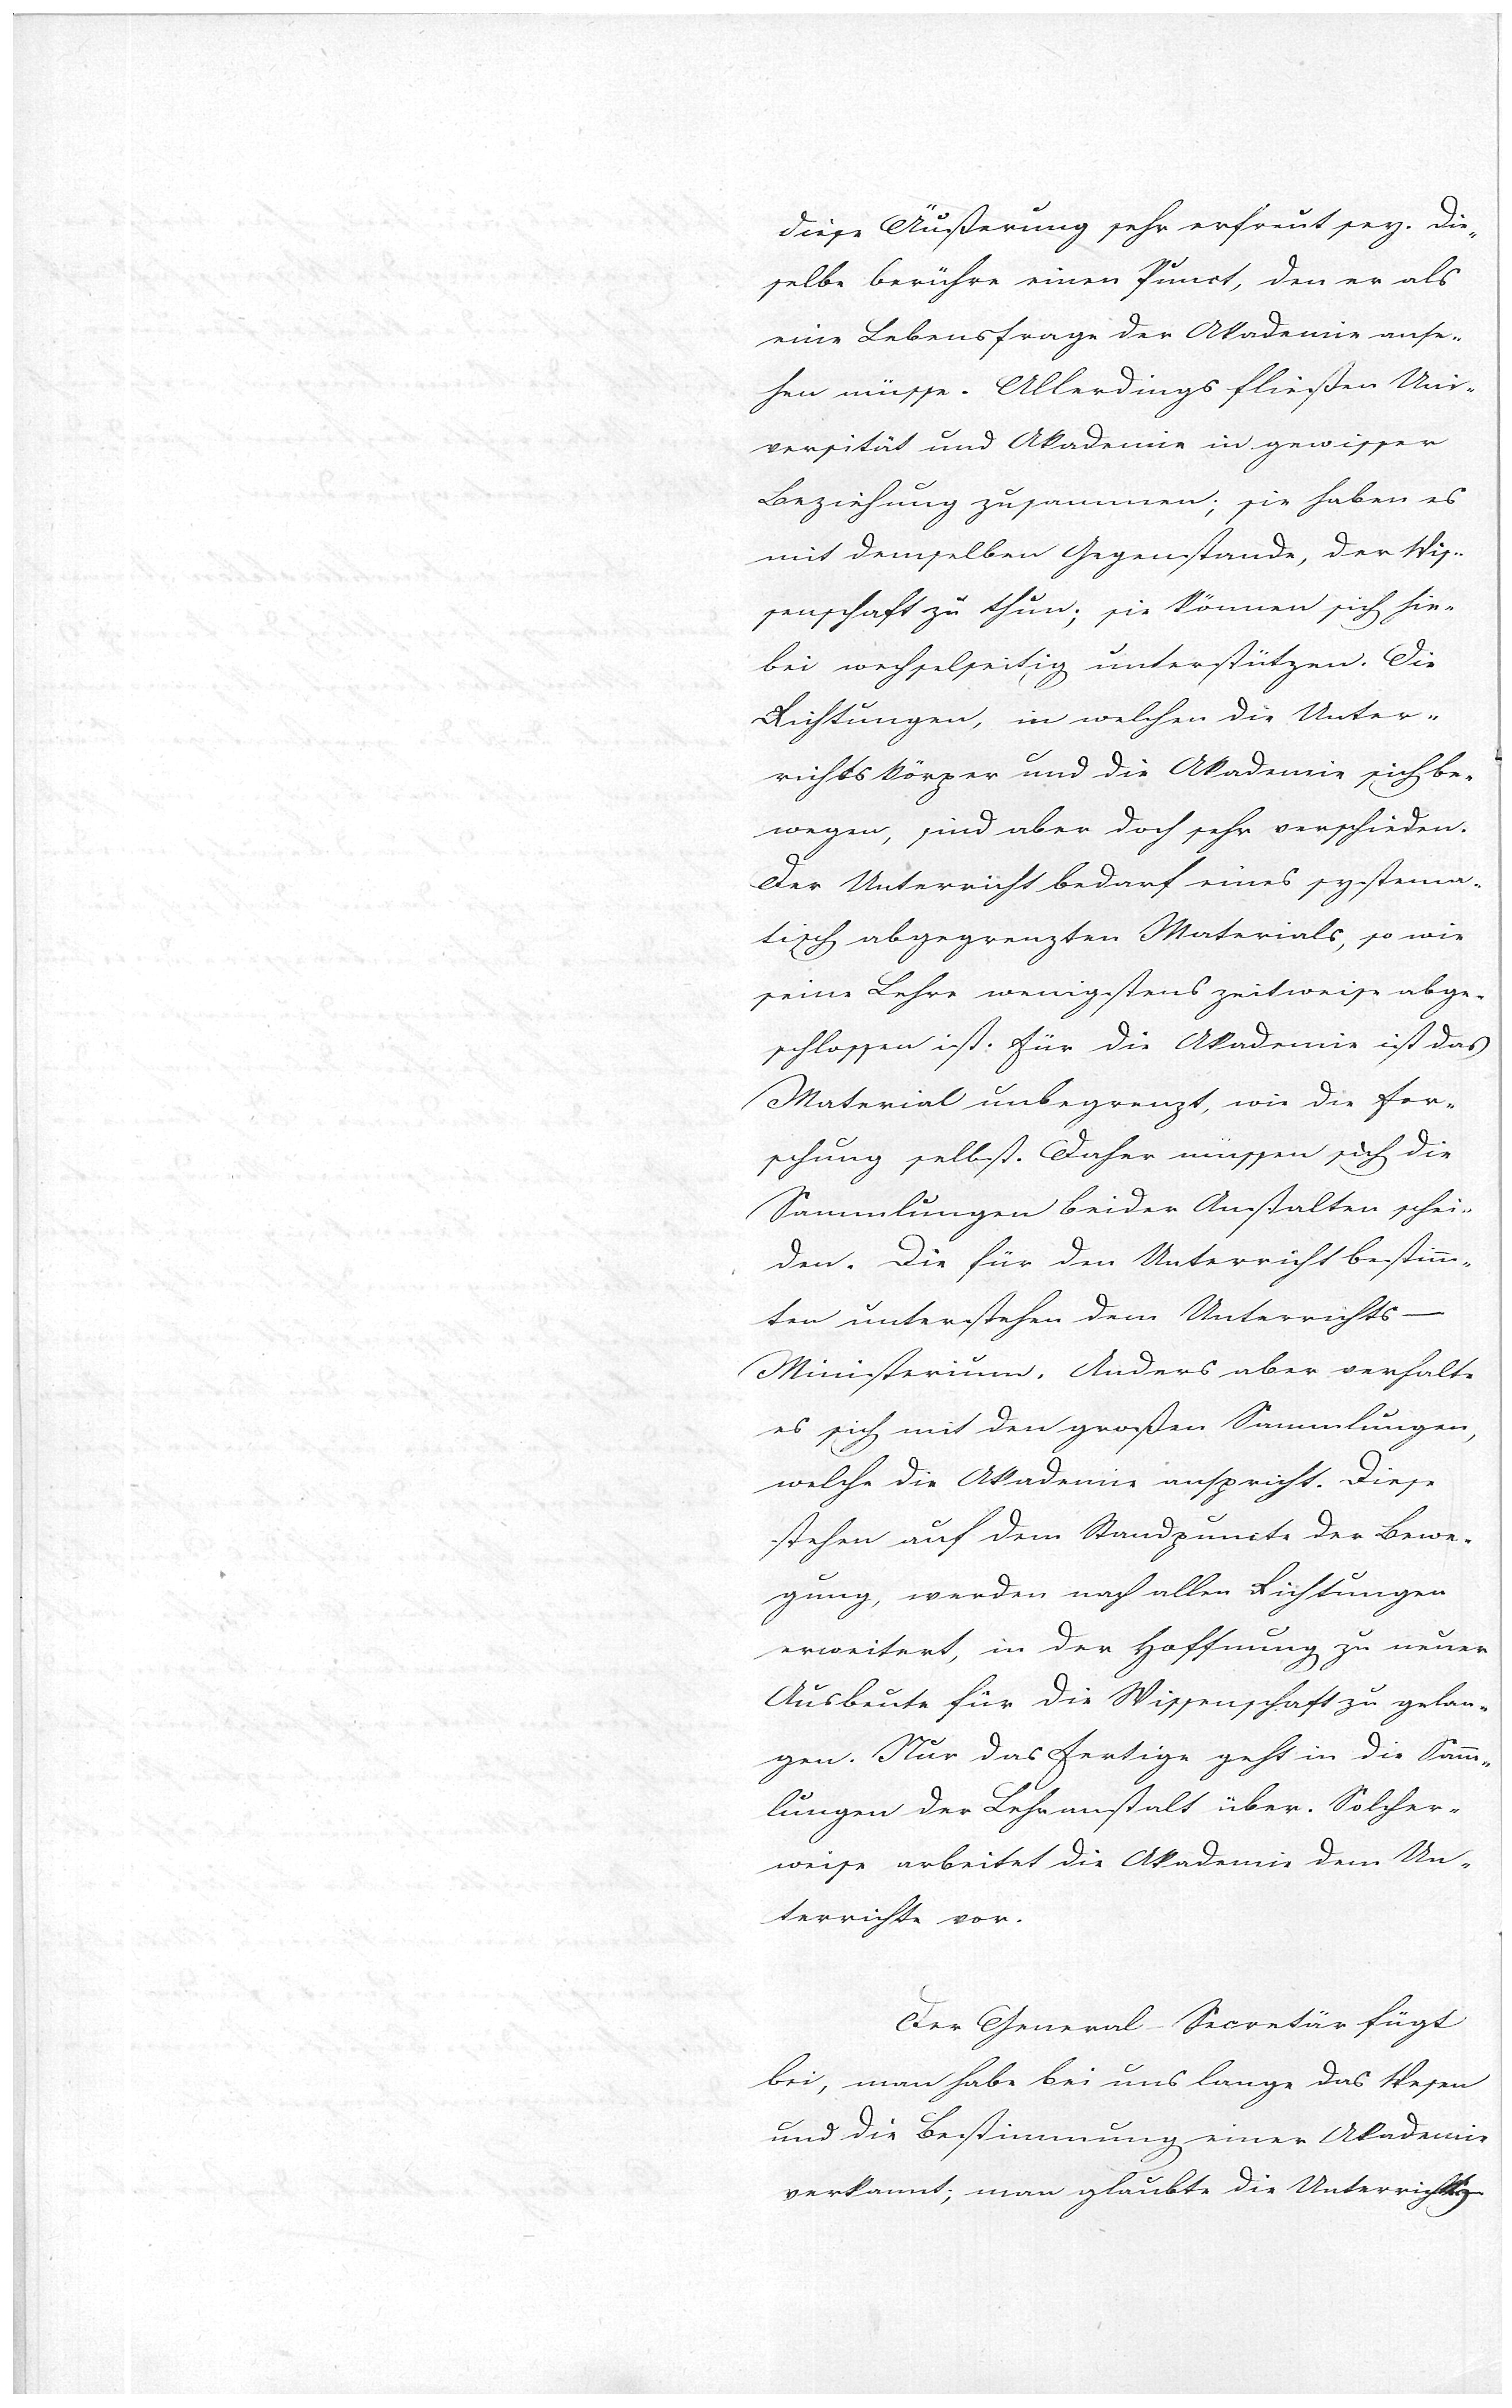diese Äußerung sehr erfreut sey. Die-
selbe berühre einen Punct, den er als
eine Lebensfrage der Akademie anse-
hen müsse. Allerdings fließen Uni-
versität und Akademie in gewisser
Beziehung zusammen, sie haben es
mit demselben Gegenstande, der Wis-
senschaft zu thun; sie können sich hie-
bei wechselseitig unterstützen. Die
Richtungen, in welchen die Unter-
richtskörper und die Akademie sich be-
wegen, sind aber doch sehr verschieden.
Der Unterricht bedarf eines systema-
tisch abgegrenzten Materials, so wie
seine Lehre wenigstens zeitweise abge-
schlossen ist. Für die Akademie ist das
Material unbegrenzt, wie die For-
schung selbst. Daher müssen sich die
Sammlungen beider Anstalten schei-
den. Die für die Unterricht bestimm-
ten unterstehen dem Unterrichts-
Ministerium. Anders aber verhalte
es sich mit den großen Sammlungen,
welche die Akademie anspricht. Diese
stehen auf dem Standpuncte der Bewe-
gung, werden nach allen Richtungen
erweitert, in der Hoffung zu neuer
Ausbeute für die Wissenschaft zu gelan-
gen. Nur das Fertige geht in die Samm-
lungen der Lehranstalt über. Solcher-
weise arbeitet die Akademie dem Un-
terrichte vor.
Der General-Secretär fügt
bei, man habe bei uns lange das Wesen
und die Besimmung einer Akademie
verkannt; man glaubte die Unterrichts-